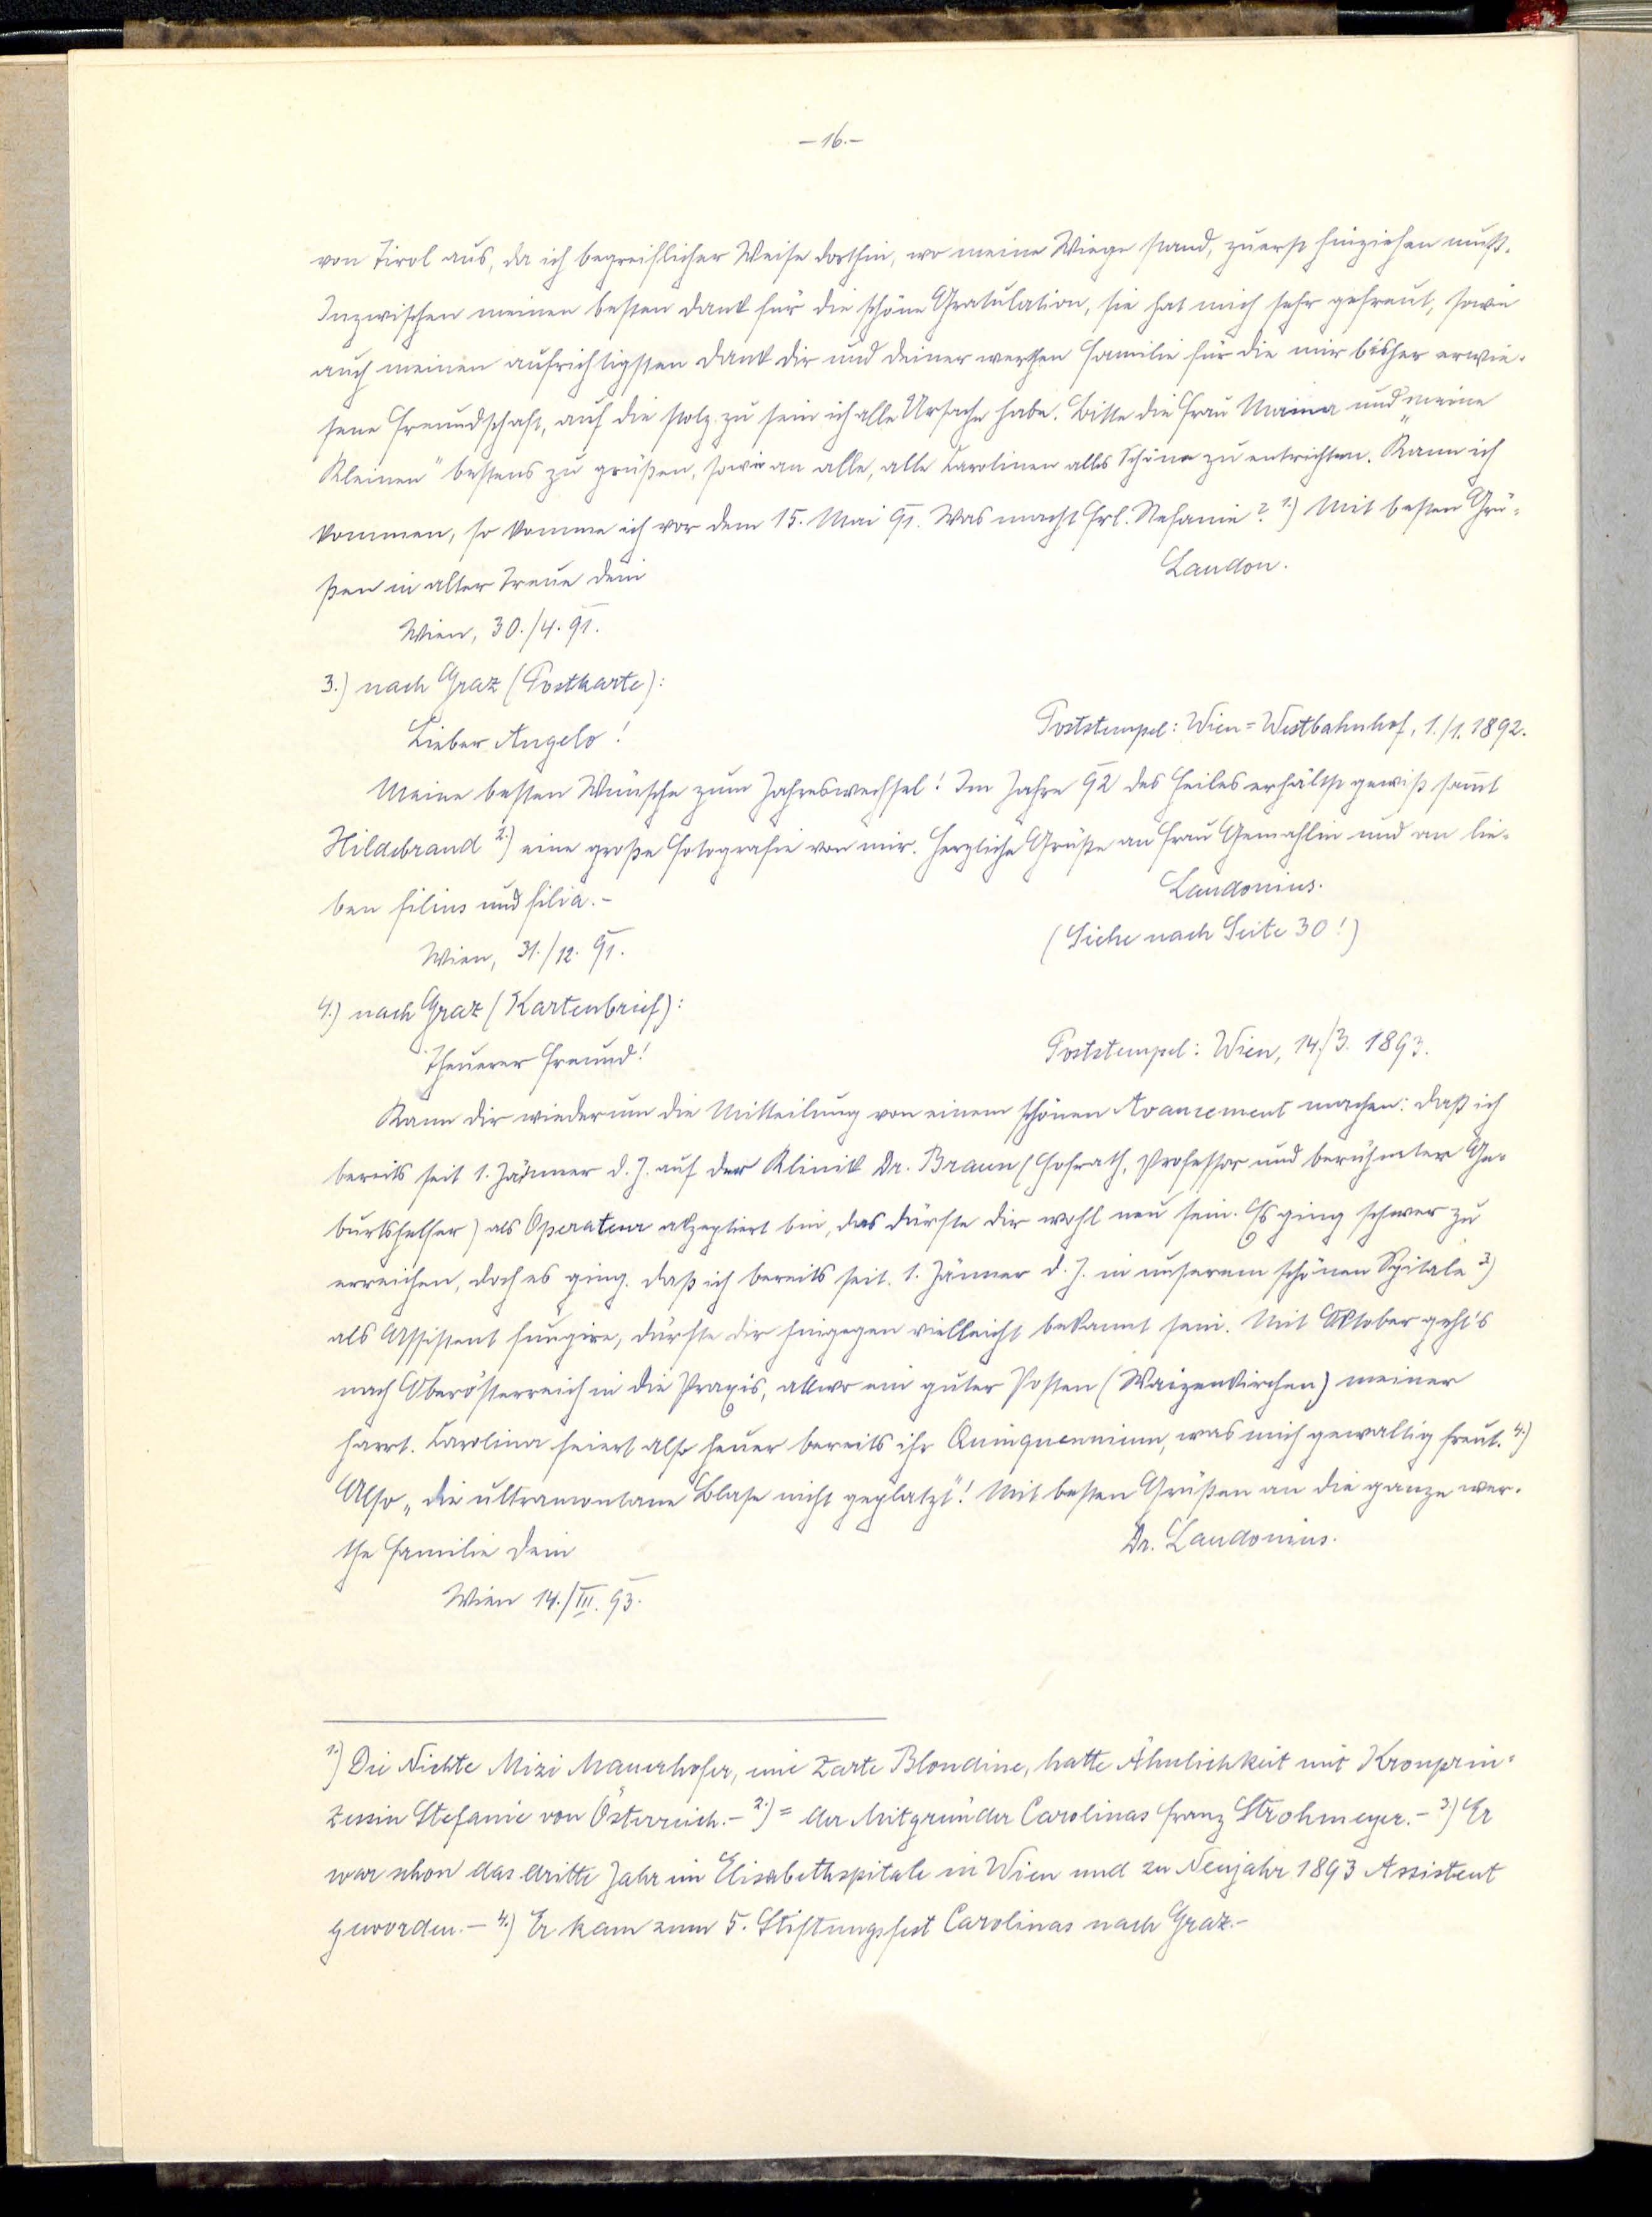16.
von Tirol aus da ich begreiflicher Weise dorthin, wo meine Wiede stand, zuerst hinziehen muß.
Inzwischen meinen besten Dank für die schöne Gratulation, sie hat mich sehr gefreut, sowie
auch meinen aufrichtigen Dank dir und deiner ganzen Familie für die mir bisher erwie-
sene Freundschaft, auf die stolz zu sein ich alle Ursache habe. Bitte die Frau Mama und "meinen
Kleinen" bestens zu grüßen, sowie an alle, alle Carolinen alles Schöne zu ausrichten. Kann ich
kommen, so komme ich vor dem 15. Mai 91. Was macht Frl. Stefanie? 1.) Mit besten Grü-
ßen in alter Treue dein
Laudon.
Wien, 30. / 4. 91
3.) nach Graz (Postkart)
Lieber Angelo !
Poststempel: Wien - Westbahnhof, 1. /1. 1892
Meine besten Wünsche zum Jahreswechsel! Im Jahre 92 des Heiles erhältst gewiß saunt
Hildebrand 2.) eine große Fotografie von mir. Herzliche Grüße an Frau Gemahlin und an lie-
ben filius und filia.-
Laudonius
Wien, 31. /12. 91
(Siehe nach Seite 30!)
4. nach Graz (Kartenbrief):
Theurer Freund!
Poststempel: Wien, 14. / 3. 1893
Kann dir wiederum die Mitteilung von einem schönen Avancement machen: Das ich
bereits seit 1. Jänner d. J. auf der Klinik Dr. Braun (Hofarzt, Professor und berühmter Ge-
burtshelfer) als Operateur akzeptiert bin, das dürfte dir wohl neu sein. Es ging schwer zu
erreichen, doch es ging. Daß ich bereits seit 1. Jänner d. J. in unserem schönen Spitale 3.)
als Assistent fungiere, dürfte dir hingegen vielleicht bekannt sein. Mit Oktober geht's
nach Oberösterreich in die Praxis, allwo ein guter Posten (Waizenkirchen) meiner
harrt. Carolina feiert also heuer bereits ihr Quinquenium, was mich gewaltig freut. 4.)
Also "Die ultramontane Blase nicht geplatzt"! Mit besten Grüßen an die ganze wer-
the Familie dein
Dr. Laudonius
Wien 14. / III. 93.
1.) Die Nichte Mizi Mauerhofer, die zarte Blondine, hatte Ähnlichkeit mit Kronprin-
zessin Stefanie von Österreich.- 2.) Der Mitgründer Carolinas Franz Strohmeyer.- 3.) Er
war schon das dritte Jahr im Elisabethspitale in Wien und zu Neujahr 1893 Assistent
geworden.- 4.) Er kam zum 5. Stiftungsfest Carolinas nach Graz.-